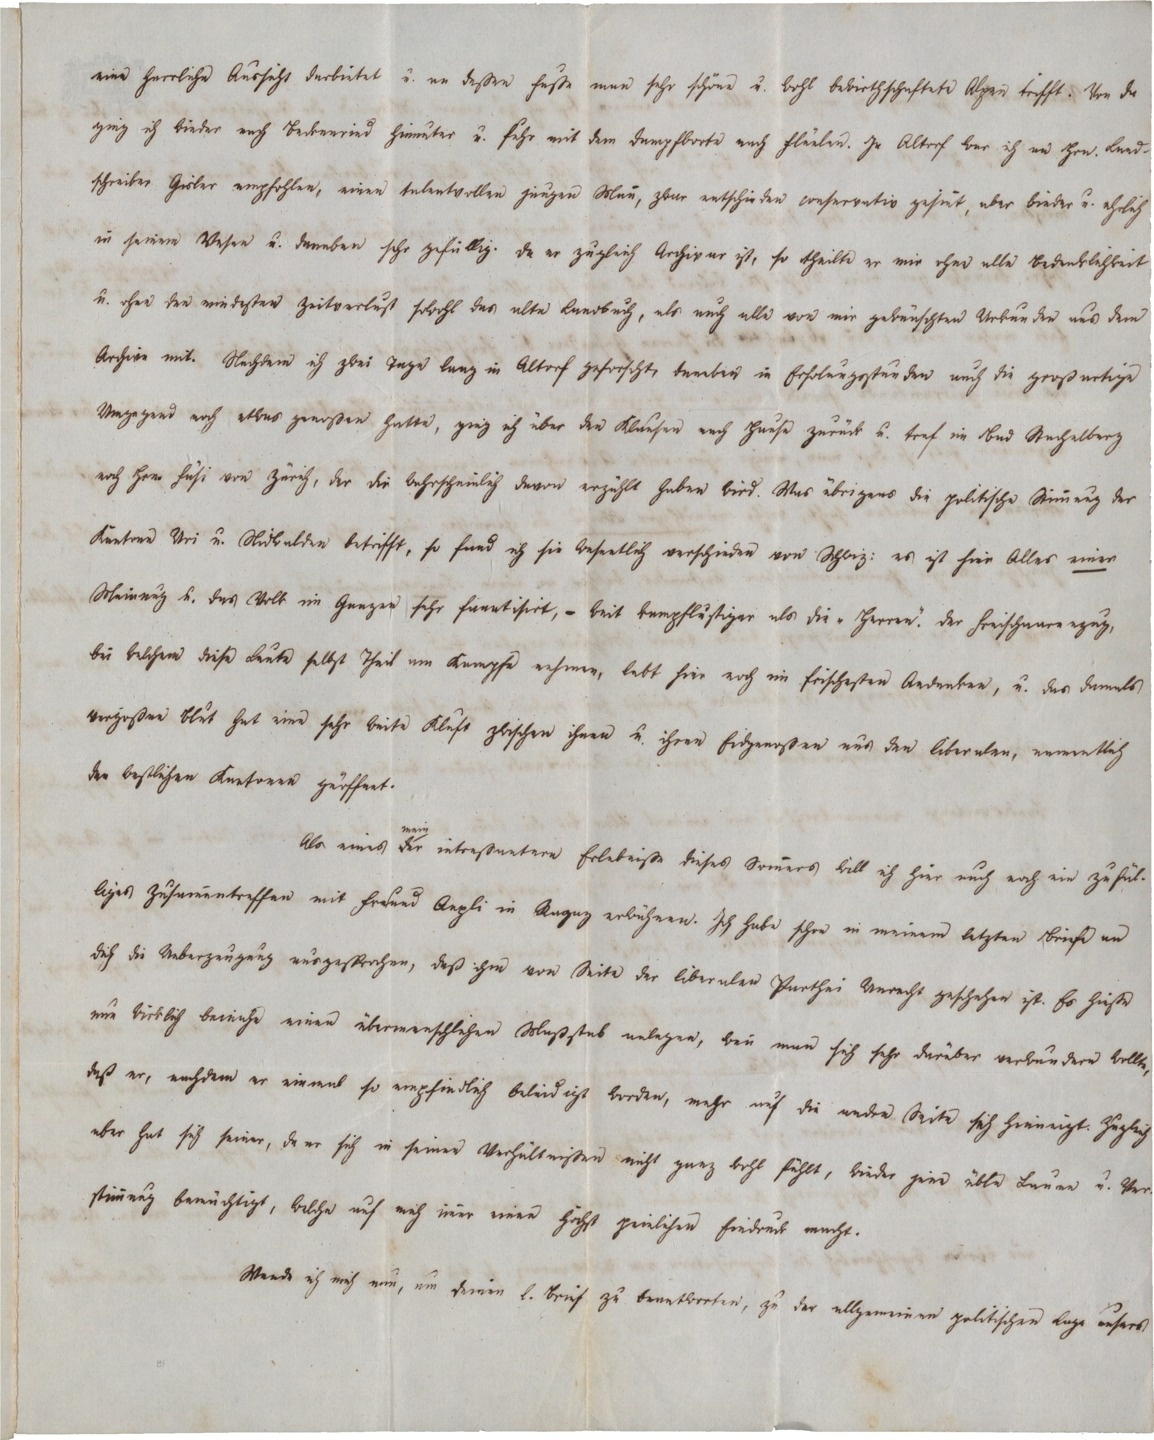eine herrliche Aussicht darbietet u. an dessen Fuße man sehr schöne u. wohl bewirthschaftete Alpen trifft. Von da
ging ich wieder nach Beckenried hinunter u. fuhr mit dem Dampfboote nach Flüelen. In Altorf war ich an Hrn. Land-
schreiber Gisler empfohlen, einen talentvollen jungen Mann, zwar entschieden conservativ gesinnt, aber bieder u. ehrlich
in seinem Wesen u. daneben sehr gefällig. Da er zugleich Archivar ist, so theilte er mir ohne alle Bedenklichkeit
u. ohne den mindesten Zeitverlust sowohl das alte Landbuch, als auch alle von mir gewünschten Urkunden aus dem
Archive mit. Nachdem ich zwei Tage lang in Altorf geforscht, daneben in Erholungsstunden auch die großartige
Umgegend noch etwas genossen hatte, ging ich über den Klausen nach Hause zurück u. traf im Bad Stachelberg
noch Hrn. Fäsi von Zürich, der dir wahrscheinlich davon erzählt haben wird. Was übrigens die politische Stimmung der
Kantone Uri u. Nidwalden betrifft, so fand ich sie wesentlich verschieden von Schwiz: es ist hier Alles einer
Meinung u. das Volk im Ganzen sehr fanatisirt, – weit kampflustiger als die «Herren». Freischaarenzug,
bei welchem diese Leute selbst Theil am Kampfe nahmen, lebt hier noch im frischesten Andenken, u. das damals
vergoßne Blut hat eine sehr weite Kluft zwischen ihnen u. ihren Eidgenossen aus den liberalen, namentlich
den westlichen Kantonen geöffnet.
Als eines dmeiner intressantern Erlebnisse dieses Sommers will ich hier auch noch ein zufäl-
liges Zusammentreffen mit Freund Aepli in Ragaz erwähnen. Ich habe schon in meinem letzten Briefe an
dich die Ueberzeugung ausgesproche, daß ihm von Seite der liberalen Parthei Unrecht geschehen ist. Es hieße
nun wirklich beinahe einen übermenschlichen Maßstab anlegen, wenn man sich sehr darüber verwundern wollte,
daß er, nachdem er einmal so empfindlich beleidigt worden, mehr auf die andre Seite sich hinneigt. Zugleich
aber hat sich seiner, da er sich in seinen Verhältnissen nicht ganz wohl fühlt, wieder jene üble Laune u. Ver-
stimmung bemächtigt, welche auf mich immer einen höchst peinlichen Eindruck macht.
Wende ich mich nun, um deinen l. Brief zu beantworten, zu der allgemeinen politischen Lage unsers